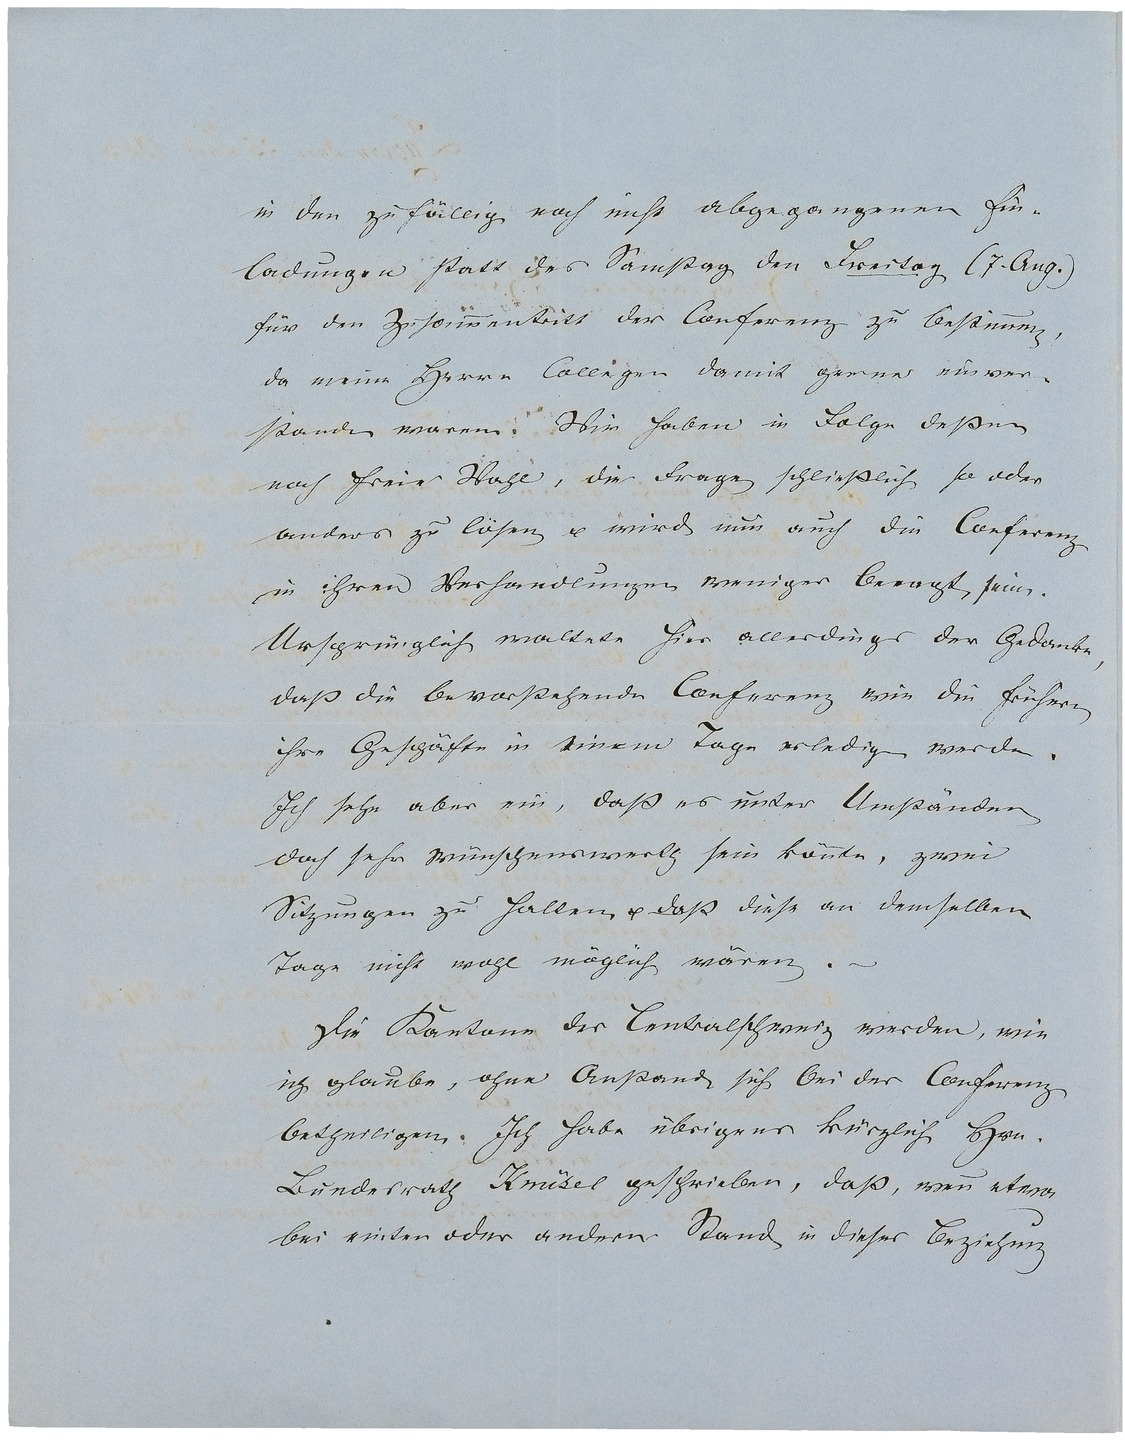in den zufällig noch nicht abgegangenen Ein-
ladungen statt des Samstag den Freitag (7. Aug. )
für den Zusammentritt der Conferenz zu bestimmen,
da meine Herrn Collegen damit gerne einver-
standen waren. Wir haben in Folge deßen
noch freie Wahl, die Frage schließlich so oder
anders zu lösen & wird nun auch die Conferenz
in ihren Verhandlungen weniger beengt sein.
Ursprünglich waltete hier allerdings der Gedanke,
daß die bevorstehende Conferenz wie die frühern
ihre Geschäfte in einem Tage erledigen werde.
Ich sehe aber ein, daß es unter Umständen
doch sehr wünschenswerth sein könnte, zwei
Sitzungen zu halten & daß diese an demselben
Tage nicht wohl möglich wären. –
Die Kantone der Centralschweiz werden, wie
ich glaube, ohne Anstand sich bei der Conferenz
betheiligen. Ich habe übrigens kürzlich Hrn.
Bundesrath Knüsel geschrieben, daß, wenn etwa
bei einten oder andern Stand in dieser Beziehung